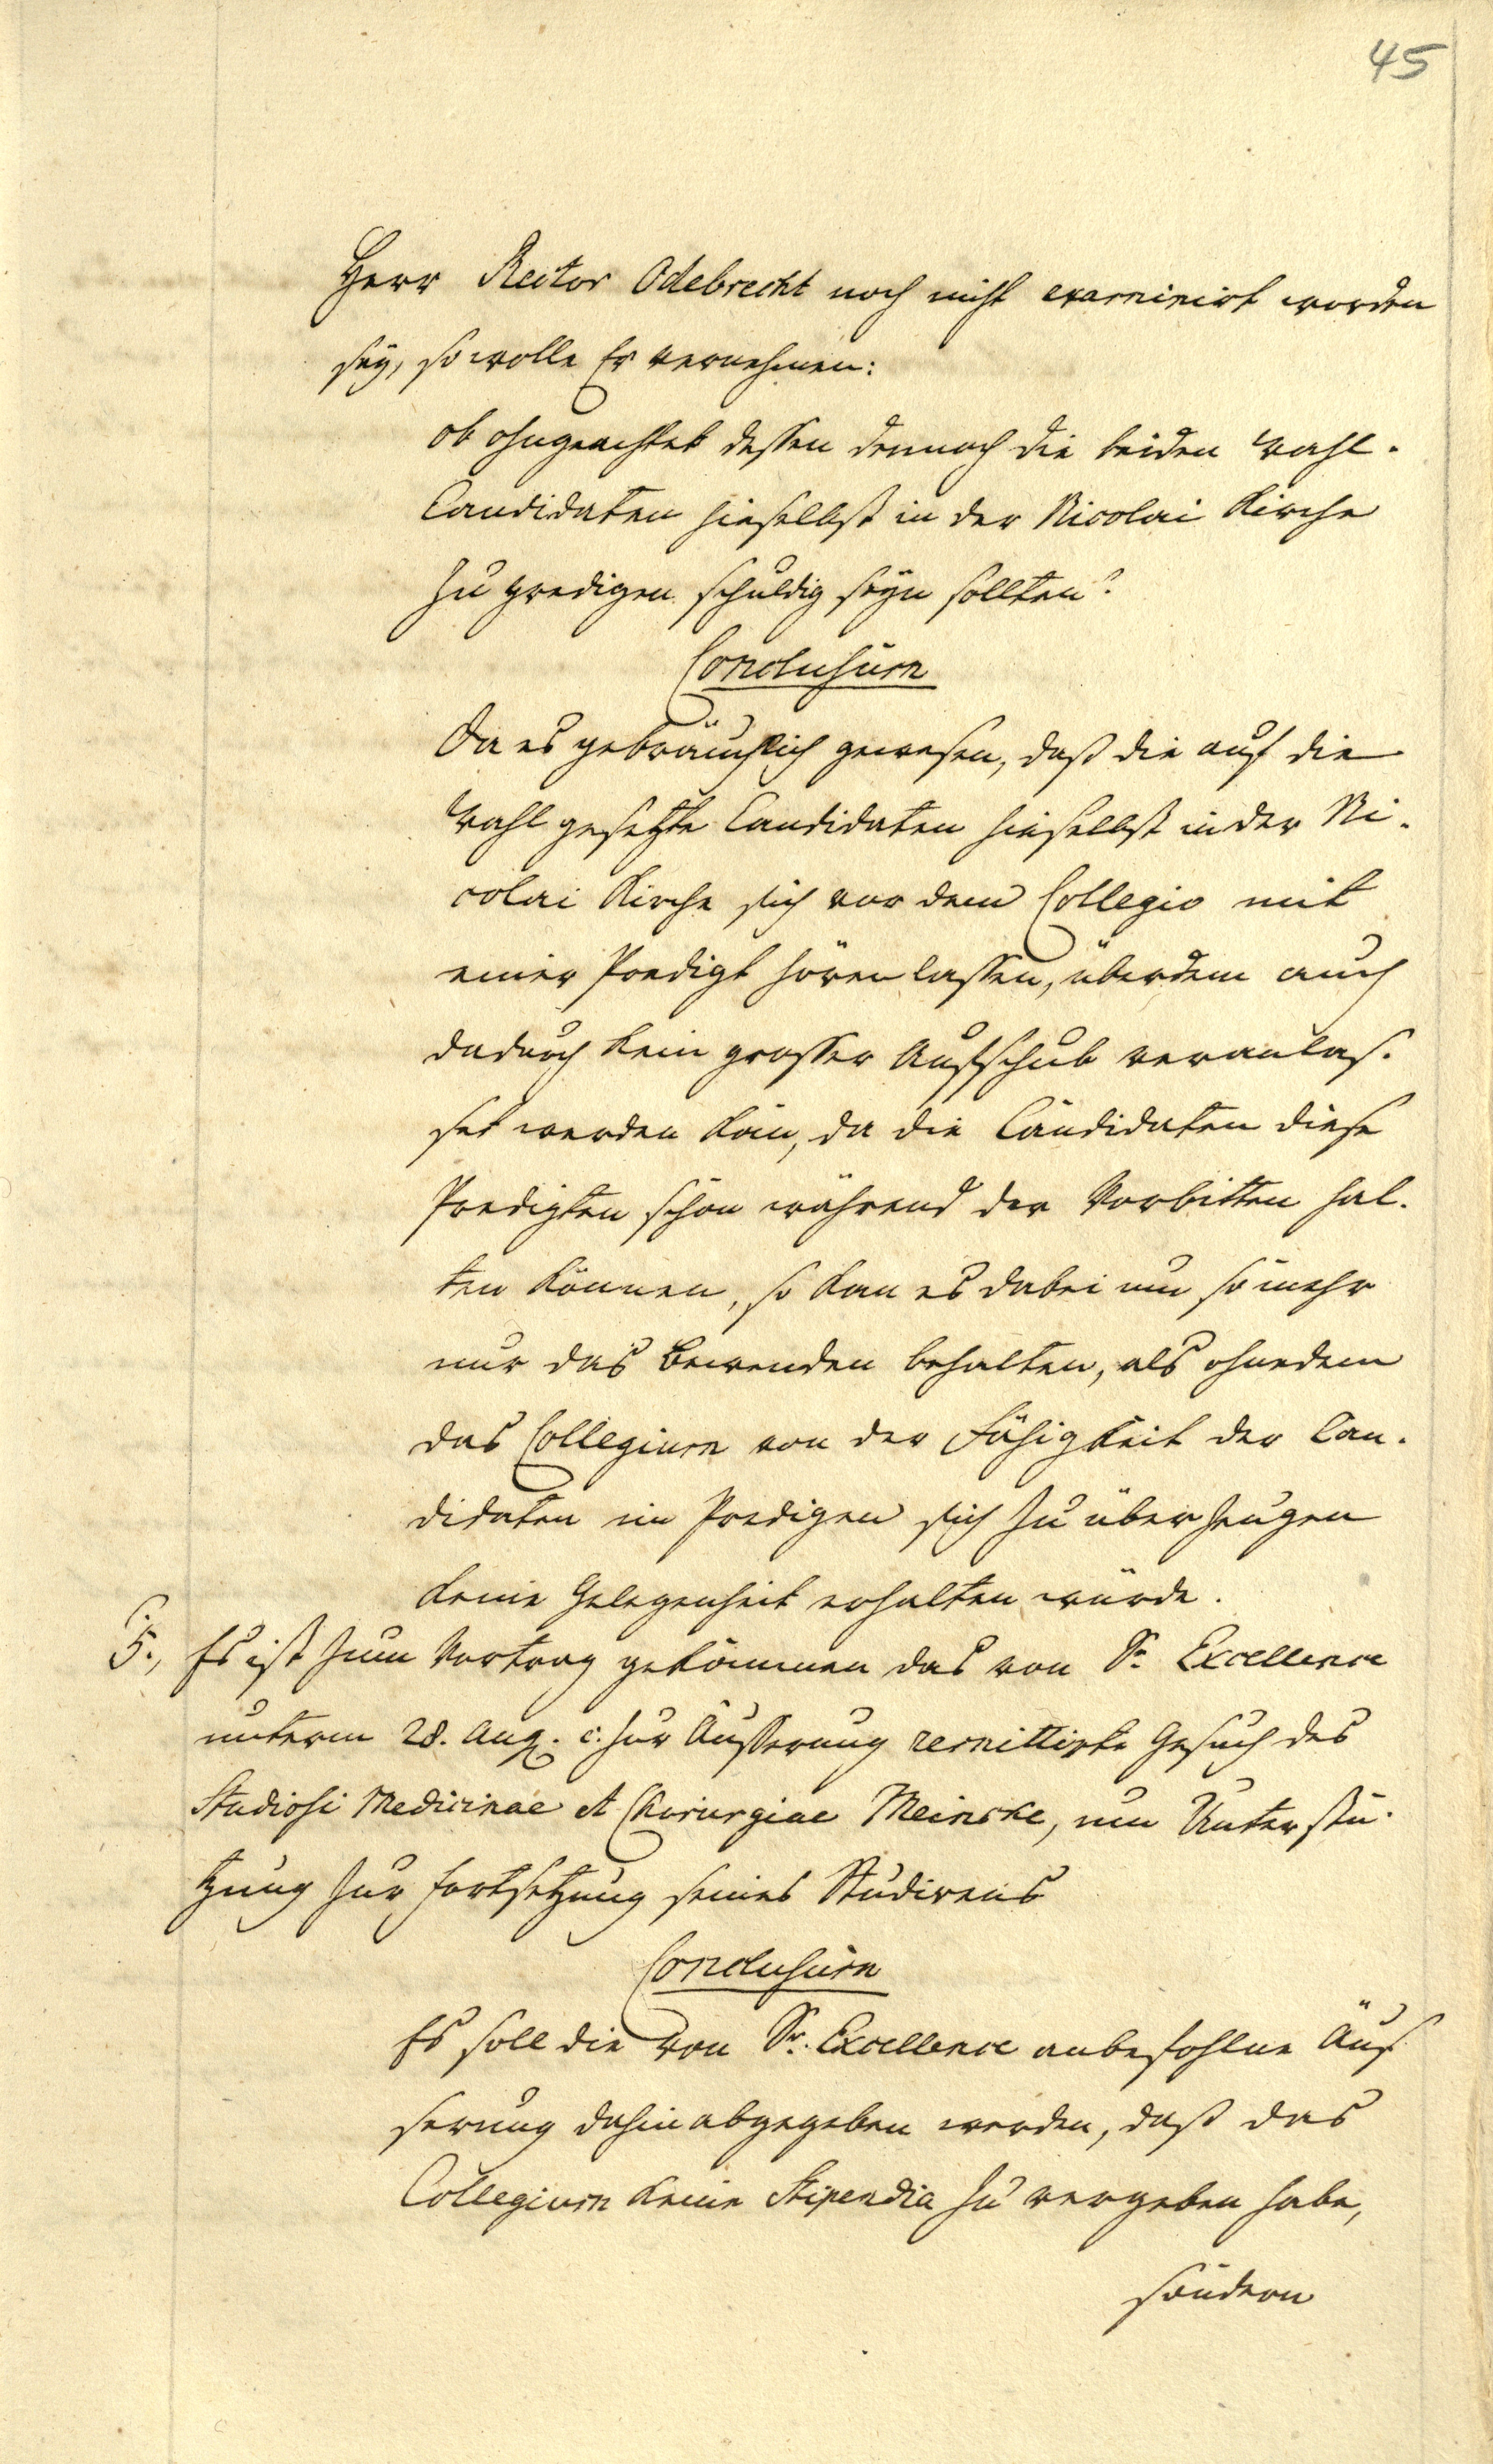Herr Rector Odebrecht noch nicht examinirt worden
seÿ, so wolle Er vernehmen:
ob ohngeachtet dessen dennoch die beiden Wahl-
Candidaten hieselbst in der Nicolai Kirche
zu predigen schuldig seÿn sollten?
Conclusum
Da es gebräuchlich gewesen, daß die auf die
Wahl gesetzte Candidaten hieselbst inder Ni¬
colai Kirche sich vor dem Collegio mit
einer Predigt hören lassen, überdem auch
dadurch kein grosser Aufschub veranlas¬
set werden kan, da die Candidaten diese
Predigten schon während der Vorbitten hal¬
ten können, so kan es dabei um so mehr
nur das Bewenden behalten, als ohnedem
das Collegium von der Fähigkeit der Can¬
didaten im Predigen sich zu überzeugen
keine Gelegenheit erhalten würde.
5., Es ist zum Vortrag gekommen das von Sr Excellence
unterm 28. Aug. c. zur Äusserung remittirte Gesuch des
Studiosi Medicinae et Chirurgiae Meincke, um Unterstü¬
tzung zur Fortsetzung seines Studirens.
Conclusum
Es soll die von Sr. Excellence anbefohlne Äus¬
serung dahin abgegeben werden, daß das
Collegium keine Stipendia zu vergeben habe,
sondern